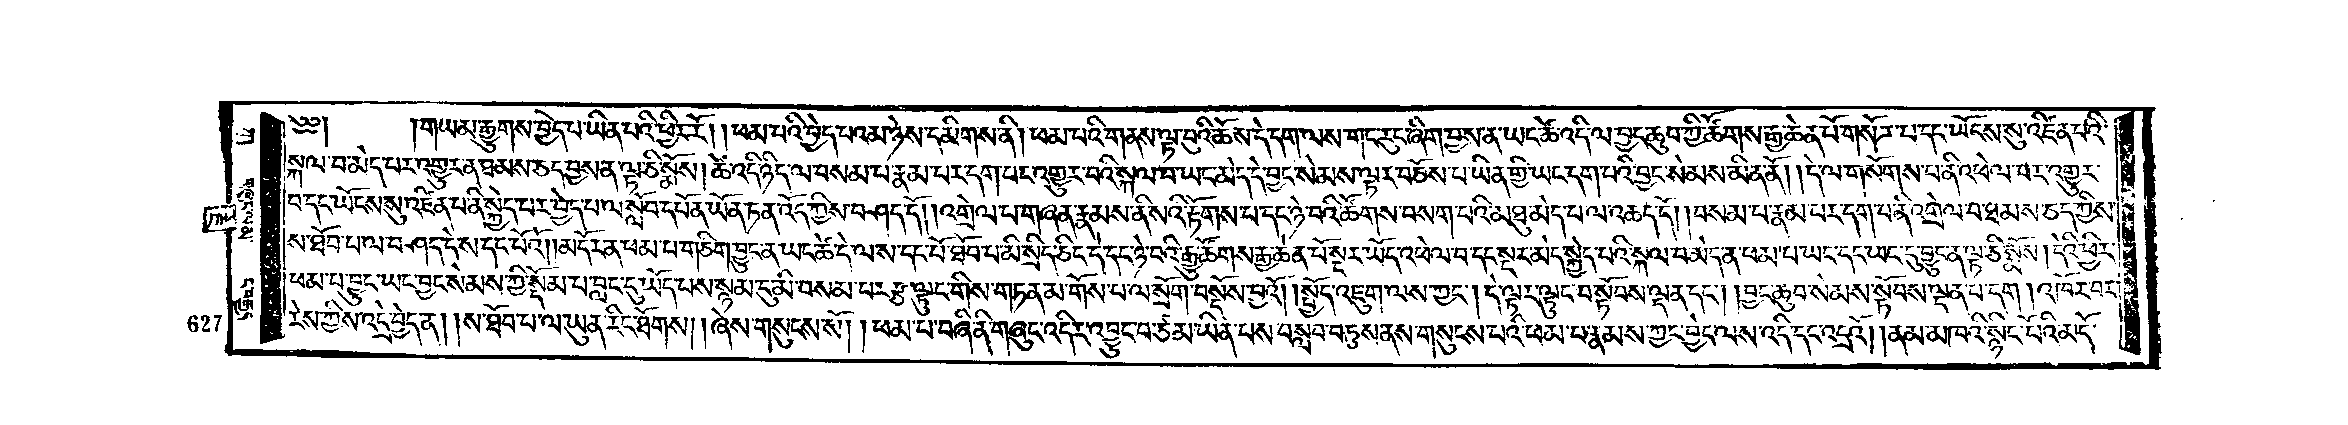༄༅། །གཡམ་རྒྱུགས་བྱེད་པ་ཡིན་པའི་ཕྱིར་རོ། །ཕམ་པའི་བྱེད་པའམ་ཉེས་དམིགས་ནི། ཕམ་པའི་གནས་ལྟ་བུའི་ཆོས་དེ་དག་ལས་གང་རུང་ཞིག་བྱས་ན་ཡང་ཚེ་འདི་ལ་བྱང་ཆུབ་ཀྱི་ཚོགས་རྒྱ་ཆེན་པོ་གསོཌ་པ་དང་ཡོངས་སུ་འཛིན་པའི་
སྐལ་བ་མེད་པར་འགྱུར་ན་ཐམས་ཅད་བྱས་ན་ལྟ་ཅི་སྨོས། ཚེ་འདི་ཉིད་ལ་བསམ་པ་རྣམ་པར་དག་པར་འགྱུར་བའི་སྐལ་བ་ཡང་མེད་དེ་བྱང་སེམས་ལྟར་བཅོས་པ་ཡིན་གྱི་ཡང་དག་པའི་བྱང་སེམས་མིན་ནོ། །དེ་ལ་གསོགས་པ་ནི་འཕེལ་བར་འགྱུར་
བ་དང་ཡོངས་སུ་འཛིན་པ་ནི་སྐྱེད་པར་བྱེད་པ་ལ་སློབ་དཔོན་ཡོན་ཏན་འོད་ཀྱིས་བཤད་དོ། །འགྲེལ་པ་གཞན་རྣམས་ནི་སའི་རྟོགས་པ་དང་ཉེ་བའི་ཚོགས་བསག་པའི་མཐུ་མེད་པ་ལ་འཆད་དོ། །བསམ་པ་རྣམ་པར་དག་པ་ནི་འགྲེལ་བ་ཐམས་ཅད་ཀྱིས་
ས་ཐོབ་པ་ལ་བཤད་དེ་ས་དང་པོའོ། །མདོར་ན་ཕམ་པ་གཅིག་བྱུང་ན་ཡང་ཚེ་དེ་ལ་ས་དང་པོ་ཐོབ་པ་མི་སྲིད་ཅིང་དེ་དང་ཉེ་བའི་རྒྱུ་ཚོགས་རྒྱ་ཆེན་པོ་སྔར་ཡོད་འཕེལ་བ་དང་སྔར་མེད་སྐྱེད་པའི་སྐལ་བ་མེད་ན་ཕམ་པ་ཡང་དང་ཡང་དུ་བྱུང་ན་ལྟ་ཅི་སྨོས། དེའི་ཕྱིར་
ཕམ་པ་བྱུང་ཡང་བྱང་སེམས་ཀྱི་སྡོམ་པ་བླང་དུ་ཡོད་པས་སྙམ་དུ་མི་བསམ་པར་རྩ་ལྟུང་གིས་གཏན་མ་གོས་པ་ལ་སྲོག་བསྡོས་བྱའོ། །སྤྱོད་འཇུག་ལས་ཀྱང་། དེ་ལྟར་ལྟུང་བ་སྟོབས་ལྡན་དང་། །བྱང་ཆུབ་སེམས་སྟོབས་ལྡན་པ་དང་། འཁོར་བར་
རེས་ཀྱིས་འདྲེ་བྱེད་ན། །ས་ཐོབ་པ་ལ་ཡུན་རིང་ཐོགས། །ཞེས་གསུངས་སོ། །ཕམ་པ་བཞི་ནི་གཞུང་འདིར་འབྱུང་བ་ཙམ་ཡིན་པས་བསླབ་བཏུས་ནས་གསུངས་པའི་ཕམ་པ་རྣམས་ཀྱང་བྱེད་ལས་འདི་དང་འདྲའོ། །ནམ་མཁའི་སྙིང་པོའི་མདོ་